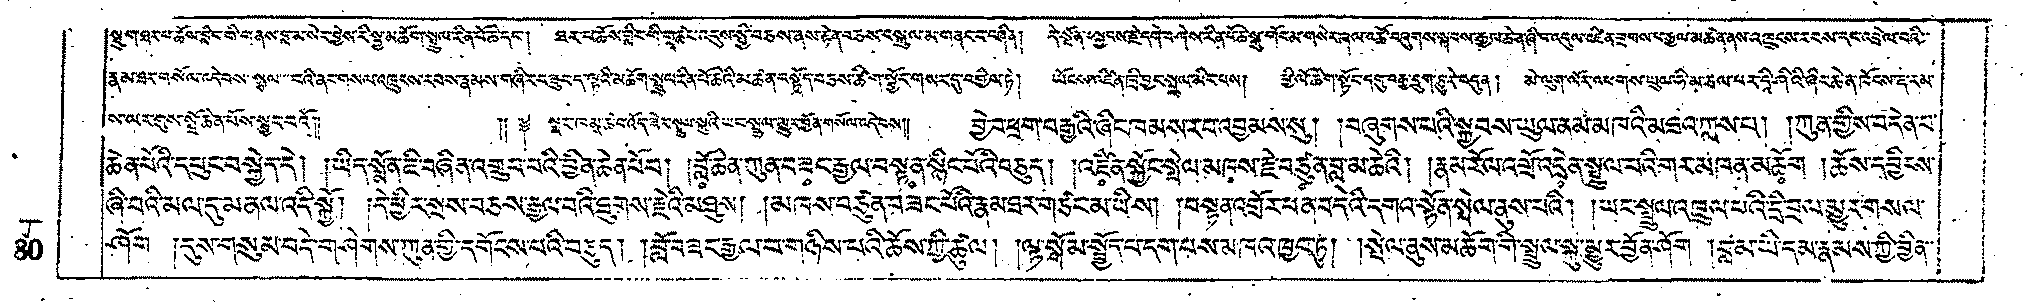སྦུག་ཐར་པ་ཆོས་གླིང་གི་གནས་བླ་མ་སེར་བྱེས་རི་སྐྱ་མཆོག་སྤྲུལ་རིན་པོ་ཆེ་དང་། ཐར་པ་ཆོས་གླིང་གི་གྲྭ་ཚང་འདུས་སྤྱི་བཅས་ནས་རྟེན་བཅས་བསྐུལ་མ་གནང་བ་བཞིན། དེ་སྔོན ༧སྐྱབས་རྗེ་དགེ་བཤེས་རིན་པོ་ཆེ་སྐུ་གོང་མ་གསེར་ཞལ་འཚོ་བཞུགས་སྐབས་རྒྱལ་ཆེན་ཞི་བ་འདུལ་འཛིན་གྲགས་པ་རྒྱལ་མཚན་ནས་འཁྲུངས་རབས་དང་འབྲེལ་བའི་་་
རྣམ་ཐར་གསོལ་འདེབས་སྩལ་་་བའི་ནང་གསལ་འཁྲུངས་རབས་རྣམས་གཞིར་བཟུང་ད་ལྟའི་མཆོག་སྤྲུལ་རིན་པོ་ཆེའི་མཚན་བསྟོད་བཅས་ཚིག་སྦྱོར་གསར་དུ་བགྱིས་ཏེ། ཡོངས་འཛིན་ཁྲི་བྱང་སྤྲུལ་མིང་པས། ཕྱི་ལོ་ཆིག་སྟོང་དགུ་བརྒྱ་དྲུག་ཅུ་རེ་བདུན། མེ་ལུག་ལོར་འཕགས་ཡུལ་ཧི་མ་ཅལ་པར་དཱི་ཤིའི་ཞིང་ཆེན་ཁོངས་རྡ་རམ་
ས་ལར་གུས་སྤྲོ་ཆེན་པོས་སྦྱར་བའོ།། །།འྶྨར་ཁམས་ཚ་བ་འོད་ཟེར་སྤྲུལ་སྐུའི་ཡང་སྤྲུལ་མྱུར་བྱོན་གསོལ་འདེབས།། བྱེ་བ་ཕྲག་བརྒྱའི་ཞིང་ཁམས་རབ་འབྱམས་སུ། །བཞུགས་པའི་སྐྱབས་ཡུལ་ནམ་མཁའི་མཐའ་ཀླས་པ། །ཀུན་གྱིས་བདེན་པ་
ཆེན་པོའི་དཔུང་བསྐྱེད་དེ། །ཡིད་སྨོན་ཇི་བཞིན་འགྲུབ་པའི་བྱིན་ཆེན་ཕོབ། །བློ྾་ཆེན་ཀུན་བཟང྾་རྒྱལ་བསྟན྾་སྙིང་པོའི་བཅུད། །འཛིན྾་སྐྱོང་སྤེལ་མཁས྾་རྗེ་བཙུན྾་བླ་མ་ཆེའི། །རྣམ་རོལ་འགྲོ་འདྲེན྾་སྤྲུལ་པའི་གར་མཁན་མཆོག྾་།ཆོས་དབྱིངས་
ཞི་བའི་མལ་དུ་མནལ་འདི་སྐྱོ། །དེ་ཕྱིར་སྲས་བཅས་རྒྱལ་བའི་ཐུགས་རྗེའི་མཐུས། །མཁས་བཙུན་བཟང་པོའི་རྣམ་ཐར་གཙང་མ་ཡིས། །བསྟན་འགྲོར་ཕན་བདེའི་དགའ་སྟོན་སྤེལ་ནུས་པའི། །ཡང་སྤྲུལ་འཁྲུལ་པའི་དྲི་བྲལ་མྱུར་གསལ་
ཤོག །དུས་གསུམ་བདེ་གཤེགས་ཀུན་གྱི་དགོངས་པའི་བཅུད། །བློ་བཟང་རྒྱལ་བ་གཉིས་པའི་ཆོས་ཀྱི་ཚུལ། །ལྟ་སྒོམ་སྤྱོད་པ་དག་པས་མཁའ་ཁྱབ་ཏུ། །སྤེལ་ནུས་མཆོག་གི་སྤྲུལ་སྐུ་མྱུར་བྱོན་ཤོག །བླ་མ་ཡི་དམ་རྣམས་ཀྱི་བྱིན་་་